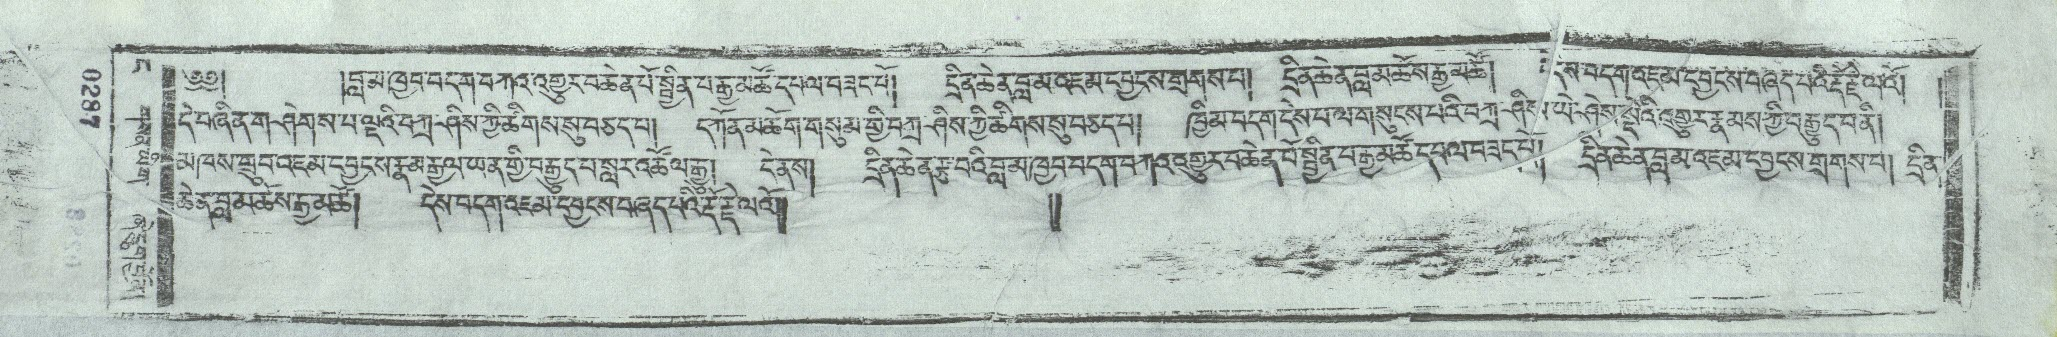༄༅། །བླ་མ་ཁྱབ་བདག་བཀའ་འགྱུར་པ་ཆེན་པོ་སྦྱིན་པ་རྒྱ་མཚོ་དཔལ་བཟང་པོ། དྲིན་ཆེན་བླ་མ་འཇམ་དབྱངས་གྲགས་པ། དྲིན་ཆེན་བླ་མ་ཆོས་རྒྱ་མཚོ། རྗེས་བདག་འཇམ་དབྱངས་བཞད་པའི་རྡོ་རྗེ་ལའོ།
དེ་བཞིན་གཤེགས་པ་ལྔའི་བཀྲ་ཤིས་ཀྱི་ཚིགས་སུ་བཅད་པ། དཀོན་མཆོག་གསུམ་གྱི་བཀྲ་ཤིས་ཀྱི་ཚིགས་སུ་བཅད་པ། ཁྱིམ་བདག་དེས་པ་ལ་གསུངས་པའི་བཀྲ་ཤིས་ཡེ་ཤེས་སྡེའི་འགྱུར་རྣམས་ཀྱི་བརྒྱུད་པ་ནི།
མཁས་གྲུབ་འཇམ་དབྱངས་རྣམ་རྒྱལ་ཡན་གྱི་བརྒྱུད་པ་སླར་འཚོལ་རྒྱུ། དེ་ནས། དྲིན་ཆེན་རྩ་བའི་བླ་མ་ཁྱབ་བདག་བཀའ་འགྱུར་པ་ཆེན་པོ་སྦྱིན་པ་རྒྱ་མཚོ་དཔལ་བཟང་པོ། དྲིན་ཆེན་བླ་མ་འཇམ་དབྱངས་གྲགས་པ། དྲིན་
ཆེན་བླ་མ་ཆོས་རྒྱ་མཚོ། དེས་བདག་འཇམ་དབྱངས་བཞད་པའི་རྡོ་རྗེ་ལའོ།། །།